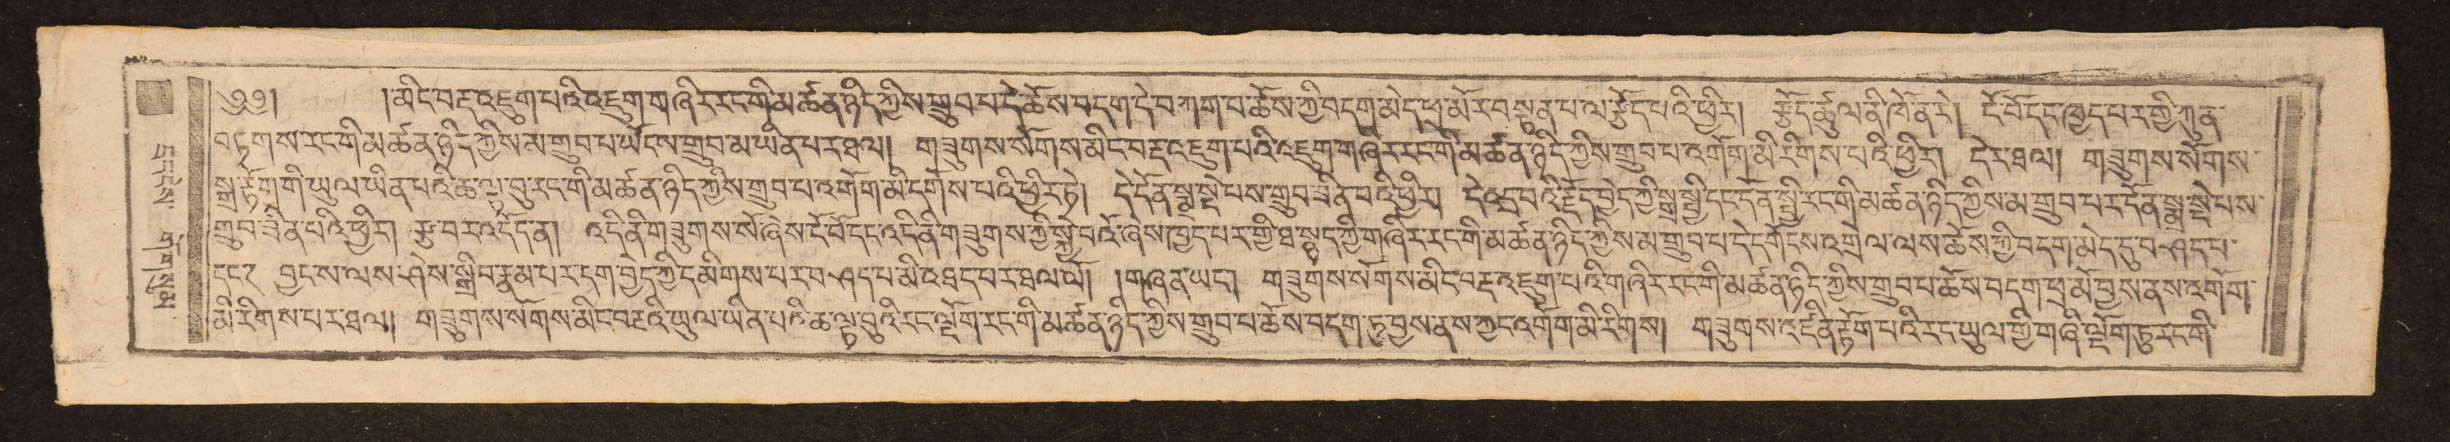༄༅། །མིང་བརྡ་འཇུག་པའི་འཇུག་གཞིར་རང་གི་མཚན་ཉིད་ཀྱིས་གྲུབ་པ་དེ་ཆོས་བདག་དེ་བཀག་པ་ཆོས་ཀྱི་བདག་མེད་ཕྲ་མོར་བསྟན་པ་ལ་རྩོད་པའི་ཕྱིར། རྩོད་ཚུལ་ནི་ཁོ་ན་རེ། ངོ་བོ་དང་ཁྱད་པར་གྱི་ཀུན་
བཏགས་རང་གི་མཚན་ཉིད་ཀྱིས་མ་གྲུབ་པ་ཡོངས་གྲུབ་མ་ཡིན་པར་ཐལ། གཟུགས་སོགས་མིང་བརྡ་འཇུག་པའི་འཇུག་གཞིར་རང་གི་མཚན་ཉིད་ཀྱིས་གྲུབ་པ་འགོག་མི་རིགས་པའི་ཕྱིར། དེར་ཐལ། གཟུགས་སོགས་
སྒྲ་རྟོག་གི་ཡུལ་ཡིན་པའི་ཆ་ལྟ་བུ་རང་གི་མཚན་ཉིད་ཀྱིས་གྲུབ་པ་འགོག་མི་དགོས་པའི་ཕྱིར་ཏེ། དེ་དོན་སྨྲ་སྡེ་པས་གྲུབ་ཟིན་པའི་ཕྱིར། དེ་འདྲ་བའི་རྗོད་བྱེད་ཀྱི་སྒྲ་སྤྱི་དང་དོན་སྤྱི་རང་གི་མཚན་ཉིད་ཀྱིས་མ་གྲུབ་པར་དོན་སྨྲ་སྡེ་པས་
གྲུབ་ཟིན་པའི་ཕྱིར། རྩ་བར་འདོད་ན། འདི་ནི་གཟུགས་སོ་ཞེས་ངོ་བོ་དང་འདི་ནི་གཟུགས་ཀྱི་སྐྱེ་བའོ་ཞེས་ཁྱད་པར་གྱི་ཐ་སྙད་ཀྱི་གཞིར་རང་གི་མཚན་ཉིད་ཀྱིས་མ་གྲུབ་པ་དེ་དགོངས་འགྲེལ་ལས་ཆོས་ཀྱི་བདག་མེད་དུ་བཤད་པ་
དང༑ བྱང་ས་ལས་ཤེས་སྒྲིབ་རྣམ་པར་དག་བྱེད་ཀྱི་དམིགས་པར་བཤད་པ་མི་འཐད་པར་ཐལ་ལོ། །གཞན་ཡང་། གཟུགས་སོགས་མིང་བརྡ་འཇུག་པའི་གཞིར་རང་གི་མཚན་ཉིད་ཀྱིས་གྲུབ་པ་ཆོས་བདག་ཕྲ་མོ་བྱས་ནས་འགོག་
མི་རིགས་པར་ཐལ། གཟུགས་སོགས་མིང་བརྡའི་ཡུལ་ཡིན་པའི་ཆ་ལྟ་བུའི་རང་ལྡོག་རང་གི་མཚན་ཉིད་ཀྱིས་གྲུབ་པ་ཆོས་བདག་ཏུ་བྱས་ནས་ཀྱང་འགོག་མི་རིགས། གཟུགས་འཛིན་རྟོག་པའི་རང་ཡུལ་གྱི་གཞི་ལྡོག་ཏུ་རང་གི་